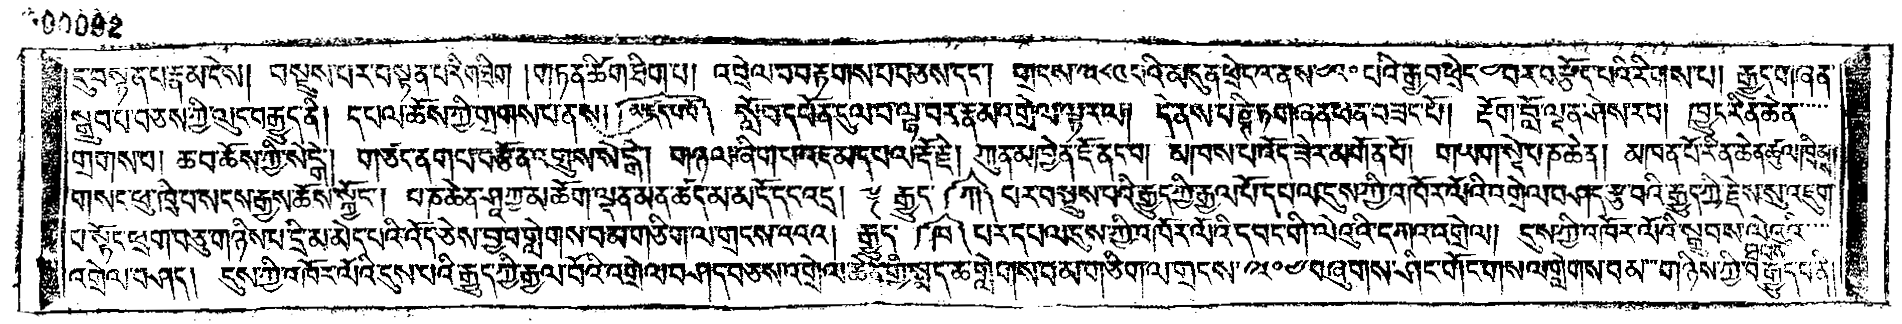དུ་བསྟན་པ་རྣམ་ངེས། བསྡུས་པར་བསྟན་པ་རིག་ཐིག །གཏན་ཚིག་ཐིག་པ། འབྲེལ་བ་བརྟགས་པ་བཅས་དང་། གྲངས ༣༨༩་པའི་མདུན་ཕྲེང ༢་ནས ༡༢༠་པའི་རྒྱབ་ཕྲེང ༤་བར་བརྩོད་པའི་རིགས་པ། རྒྱུད་གཞན་
སྒྲུབ་པ་བཅས་ཀྱི་ལུང་བརྒྱུད་ནི། དཔལ་ཆོས་ཀྱི་གྲགས་པ་ནས་༼མཛད་པ་པོ༽་སློབ་དཔོན་དུལ་བ་ལྷ་བར་རྣམ་འགྲེལ་ལྟར་ལ། དེ་ནས་པཎྚི་ཏ་གཞན་ཕན་བཟང་པོ། རྡོག་བློ་ལྡན་ཤེས་རབ། ཁྱུད་རིན་ཆེན་
གྲགས་པ། ཆ་བ་ཆོས་ཀྱི་སེངྒེ། གཙང་ནག་པ་བརྩོན་འགྲུས་སེངྒེ། གཉལ་ཞིག་པ་འཇམ་དཔལ་རྡོ་རྗེ། ཀུན་མཁྱེན་ཇོ་ནང་བ། མཁས་པ་འོད་ཟེར་མགོན་པོ། གཡག་སྡེ་པཎ་ཆེན། མཁན་པོ་རིན་ཆེན་ཚུལ་ཁྲིམས།
གསང་ཕུ་ཁྲི་པ་སངས་རྒྱས་ཆོས་སྐྱོང་། པཎ་ཆེན་ཤཱཀྱ་མཆོག་ལྡན་མན་ཚད་མ་མདོ་དང་འདྲ། ༈ རྒྱུད ༼ཀ༽ པར་བསྡུས་པའི་རྒྱུད་ཀྱི་རྒྱལ་པོ་དཔལ་དུས་ཀྱི་འཁོར་ལོའི་འགྲེལ་བཤད་རྩ་བའི་རྒྱུད་ཀྱི་རྗེས་སུ་འཇུག་
པ་སྟོང་ཕྲག་བཅུ་གཉིས་པ་དྲི་མ་མེད་པའི་འོད་ཅེས་བྱ་བ་གླེགས་བམ་གཅིག་ལ་གྲངས ༢༢༢། རྒྱུད ༼ཁ༽ པར་དཔལ་དུས་ཀྱི་འཁོར་ལོའི་དབང་གི་ལེའུའི་དཀའ་འགྲེལ། དུས་ཀྱི་འཁོར་ལོའི་སྒྲུབས་ལེའུའི་
འགྲེལ་བཤད། དུས་ཀྱི་འཁོར་ལོའི་དུས་པའི་རྒྱུད་ཀྱི་རྒྱལ་བོའི་འགྲེལ་བཤད་བཅས་འགྲེལ་ཆེན་གྱི་སྨད་ཆ་གླེགས་བམ་གཅིག་ལ་གྲངས ༣༠༤་བཞུགས་ཤིང་གོང་གསལ་གླེགས་བམ་གཉིས་ཀྱི་བརྒྱུད་པ་ནི།